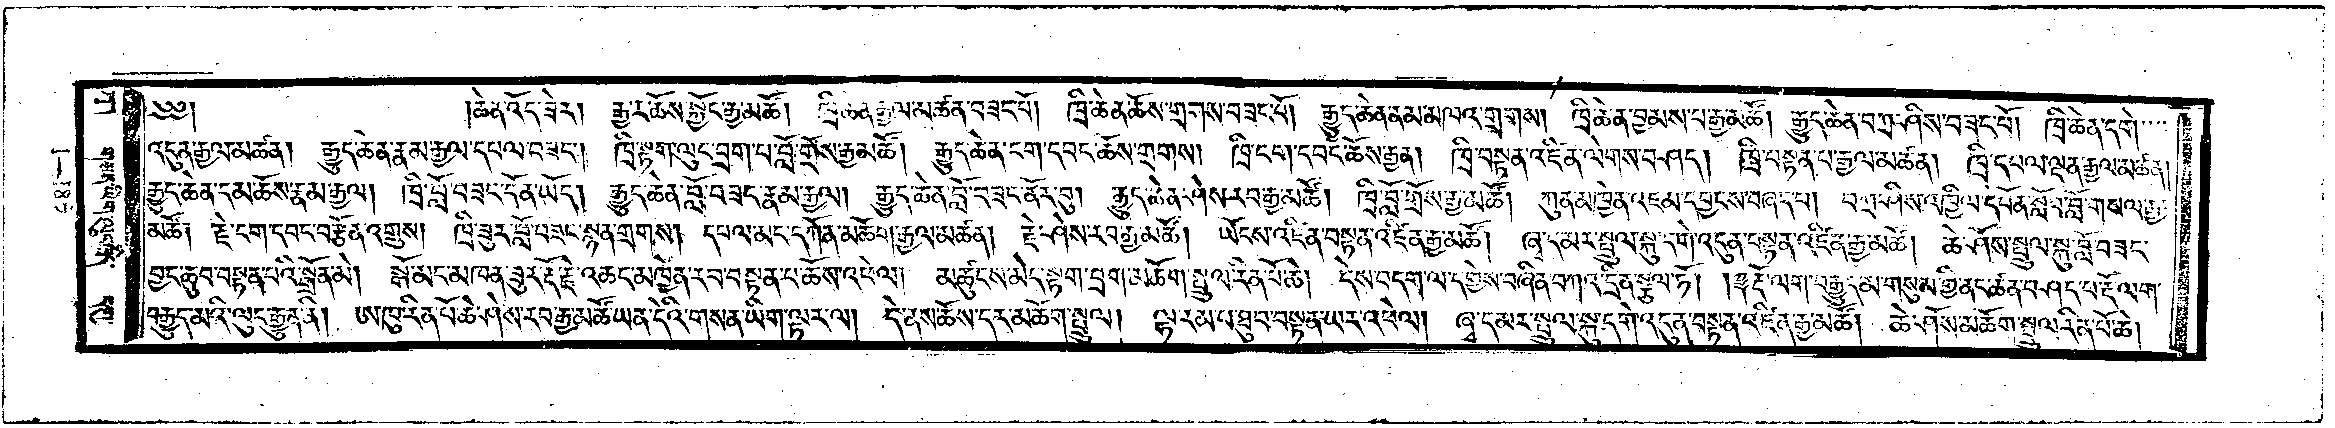༄༅། །ཆེན་འོད་ཟེར། རྒྱ་ར་ཆོས་སྐྱོང་རྒྱ་མཚོ། ཁྲི་ཆེན་རྒྱལ་མཚན་བཟང་པོ། ཁྲི་ཆེན་ཆོས་གྲགས་བཟང་པོ། རྒྱུད་ཆེན་ནམ་མཁའ་གྲགས། ཁྲི་ཆེན་བྱམས་པ་རྒྱ་མཚོ། རྒྱུད་ཆེན་བཀྲ་ཤིས་བཟང་པོ། ཁྲི་ཆེན་དགེ་
འདུན་རྒྱལ་མཚན། རྒྱུད་ཆེན་རྣམ་རྒྱལ་དཔལ་བཟང་། ཁྲི་སྟག་ལུང་བྲག་པ་བློ་གྲོས་རྒྱ་མཚོ། རྒྱུད་ཆེན་ངག་དབང་ཆོས་གྲགས། ཁྲི་ངག་དབང་ཆོས་རྒྱན། ཁྲི་བསྟན་འཛིན་ལེགས་བཤད། ཁྲི་བསྟན་པ་རྒྱལ་མཚན། ཁྲི་དཔལ་ལྡན་རྒྱལ་མཚན།
རྒྱུད་ཆེན་དམ་ཆོས་རྣམ་རྒྱལ། ཁྲི་བློ་བཟང་དོན་ཡོད། རྒྱུད་ཆེན་བློ་བཟང་རྣམ་རྒྱལ། རྒྱུད་ཆེན་བློ་བཟང་ནོར་བུ། རྒྱུད་ཆེན་ཤེས་རབ་རྒྱ་མཚོ། ཁྲི་བློ་གྲོས་རྒྱ་མཚོ། ཀུན་མཁྱེན་འཇམ་དབྱངས་བཞད་པ། བཀྲ་ཤིས་འཁྱིལ་དཔོན་སློབ་བློ་གསལ་རྒྱ་
མཚོ༑ རྗེ་ངག་དབང་བརྩོན་འགྲུས། ཁྲི་ཟུར་བློ་བཟང་སྙན་གྲགས། དཔལ་མང་དཀོན་མཆོག་རྒྱལ་མཚན། རྗེ་ཤེས་རབ་རྒྱ་མཚོ། ཡོངས་འཛིན་བསྟན་འཛིན་རྒྱ་མཚོ། ཞྭ་དམར་སྤྲུལ་སྐུ་དགེ་འདུན་བསྟན་འཛིན་རྒྱ་མཚོ། ཆེ་ཤོས་སྤྲུལ་སྐུ་བློ་བཟང་
བྱང་ཆུབ་བསྟན་པའི་སྒྲོན་མེ། སྒོ་མང་མཁན་ཟུར་རྡོ་རྗེ་འཆང་མཁྱེན་རབ་བསྟན་པ་ཆོས་འཕེལ། མཚུངས་མེད་སྟག་བྲག་མཆོག་སྤྲུལ་རིན་པོ་ཆེ། དེས་བདག་ལ་དགྱེས་བཞིན་བཀའ་དྲིན་སྩལ་ཏོ། ། འ་རྡོ་ལག་བརྒྱུད་མ་གསུམ་གྱི་ནང་ཚན་བཤད་པ་རྡོ་ལག་
བརྒྱུད་མའི་ལུང་རྒྱུན་ནི། ཨ་ཁུ་རིན་པོ་ཆེ་ཤེས་རབ་རྒྱ་མཚོ་ཡན་དེའི་གསན་ཡིག་ལྟར་ལ། དེ་ནས་ཆོས་དར་མཆོག་སྤྲུལ། ལྷ་རབ་པ་ཐུབ་བསྟན་ཡར་འཕེལ། ཞྭ་དམར་སྤྲུལ་སྐུ་དགེ་འདུན་བསྟན་འཛིན་རྒྱ་མཚོ། ཆེ་ཤོས་མཆོག་སྤྲུལ་རིན་པོ་ཆེ།